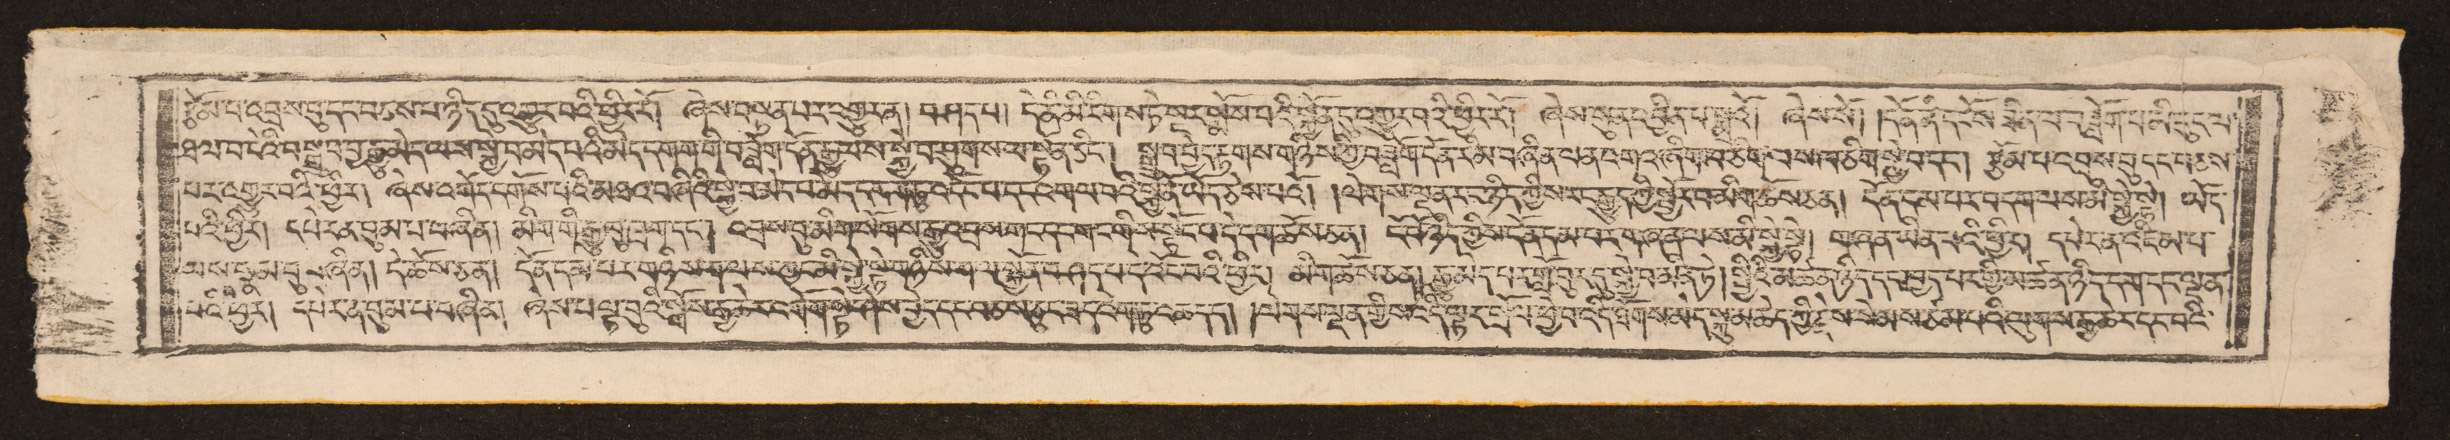རྩོམ་པ་འབྲས་བུ་དང་བཅས་པ་ཉིད་དུ་འགྱུར་བའི་ཕྱིར་རོ། ཞེས་བསྟན་པར་འགྱུར་ན། བཤད་བ། དེ་ནི་མི་རིགས་ཏེ་སྔར་སྨོས་པའི་སྒྱོན་དུ་འགྱུར་བའི་ཕྱིར་རོ། ཞེས་སུན་འབྱིན་བ་སྨྲའོ། ཞེས་སོ། །དོན་ནི་དངོས་ཟིན་ལ་བཟློག་པ་མི་རུང་ལ།
ཐལ་བདེའི་བསྒྲུབ་བྱ་རྒྱུ་མེད་ལས་སྐྱེ་བ་མེད་པའི་མེད་དགག་གི་བཟློག་དོན་རྒྱུ་ལ་ས་སྐྱེ་བཤུགས་ལ་སྟོན་ཅིང་། སྒྲུབ་བྱེད་རྟགས་གཉིས་ཀྱི་བཟློག་དོན་རིམ་བཞིན་ལན་འགའ་ཞིག་ཁ་ཅིག་ལས་ཁ་ཅིག་སྐྱེ་བ་དང་། རྩོམ་པ་འབྲས་བུ་དང་བཅས་
བར་འགྱུར་བའི་ཕྱིར། ཞེས་འགོད་དགོས་པའི་མཐའ་བཞིའི་སྐྱེ་བ་མེད་པ་མེད་དགག་ཏུ་འདོང་པ་དང་འགལ་བའི་སྐྱན་ཡོད་ཅེས་པའོ། །ལེགས་ལྡན་རང་ཉིད་ཀྱིས་རང་རྒྱུད་ཀྱེ་སྦྱོར་བ་མིག་ཆོས་ཅན། དོན་དམ་བར་བདག་ལས་མི་སྐྱེ་སྟེ། ཡོད་
བའི་ཕྱིར། དཔེར་ན་བུམ་པ་བཞིན། མིག་གི་རྒྱུ་ཁུ་ཁྲག་དང་། འཐས་བུ་མིག་སོགས་རྒྱུ་འབྲས་གང་དང་གང་གིས་སྟོང་པ་དེ་དག་ཆོས་ཅན་ངོ་བོ་ཉིད་ཀྱིས་དོན་དམ་པར་གཞན་ལས་མི་སྐྱེ་སྟེ། གཞན་མིན་པའི་ཕྱིར། དཔེར་ན་འཇིས་པ་
ལས་སྣམ་བུ་བཞིན། དེ་ཆོས་ཅན། དོན་ངེས་པར་གཉིས་ཀ་ལས་ཀྱང་མི་སྐྱེ་སྟེ་གཉིས་ཀལ་སྐྱོན་བཤད་པ་དེ་འོང་པའི་ཕྱིར། མིག་ཆོས་ཅན། རྒྱུ་མེད་པར་གློ་བུར་དུ་སྐྱེ་བ་མིན་ཏེ། སྤྱིའི་མཚན་ཉིད་དང་ཁྱད་པར་གྱི་མཚན་ཉིད་དག་དང་ལྡན་
པའི་ཕྱིར། དཔེར་ན་བུམ་པ་བཞིན། ཞེས་པ་ལྟ་བུའི་སྒོས་རྒྱ་ཆེར་འགོག་སྟེ་ཤེས་བྱེད་དང་བཅས་ཅུང་ཟད་འོག་ཏུ་འཆད་ད་།ལེགས་ལྡན་གྱིས་འདི་ལྟར་གྲོལ་ཕྱེ་བ་འདི་ཐོགས་མེད་སྐུ་མཆེད་ཀྱི་རྗེས་སེམས་ཙམ་པའི་ལུགས་རྒྱ་ཆེར་ངར་བའི་